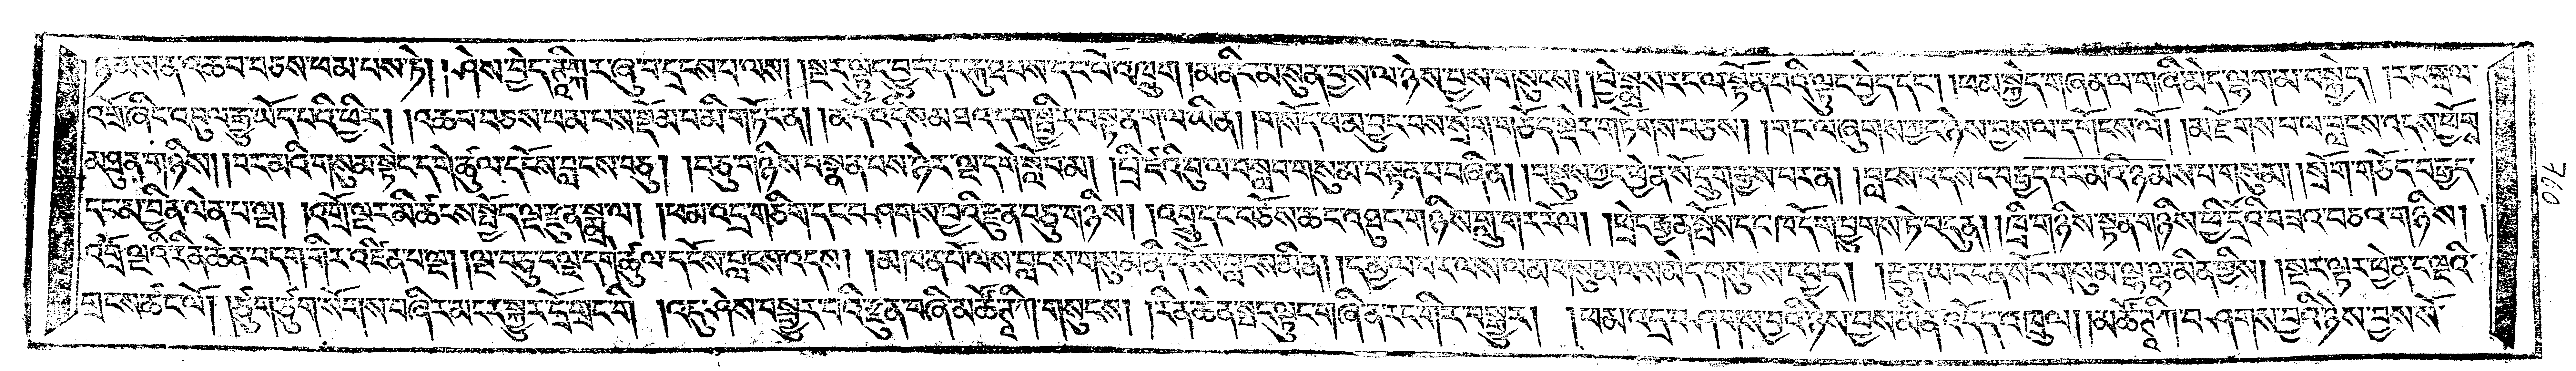ཉམས་ན་འཆབ་བཅས་ཕམ་པས་ཏེ། །ཤེས་བྱེད་ཊཱིཀྐར་ཞུ་བ་དྲངས་པ་ལས། །སྔར་ལྟུང་བྱུང་ནང་རྐུ་ཐབས་དང་པོ་འཁྲུག །མ་ནིང་མ་སུན་བྱས་ལ་ཉེས་བྱས་གསུངས། །བྱེ་སྨྲས་རང་ལ་སྟོན་པའི་ལྟུང་བྱེད་དང་། །ཕམ་སྐྱེད་གཞན་ལ་གཞི་མེད་ལྷག་མ་བསྐྱེད། །རང་གྲལ་
འགྲོ་ཞིང་འབུལ་རྒྱུ་ཡོད་པའི་ཕྱིར། །འཆབ་བཅས་ཕམ་པས་སྡོམ་པ་མི་གཏོང་ན། །མདོ་འདིས་མཐའ་དག་སྤྱིར་བསྟན་ག་ལ་ཡིན། །གསོད་ཕ་མ་བྱུང་བས་སྲོག་གཅོད་སྡེར་གཏོགས་བཅས། །གང་ལ་ཞུགས་ཀྱང་ཉེས་བྱས་ལ་དགོངས་ལོ། །མ་རྫོགས་པ་ལ་བླངས་འདས་ཕྱོགས་
མཐུན་གཉིས། །བར་མའི་གསུམ་སྟེང་དགེ་ཚུལ་དངོས་བླངས་བཅུ། །བཅུ་གཉིས་བསྣན་པས་ཉེར་ལྔ་དགེ་སློབ་མ། །པྲི་ཛའི་བུ་ལ་བསླབ་གསུམ་བསྟན་པ་བཞིན། །བསྡུས་ཀྱང་ཕྱེ་ན་སོ་དྲུག་རྒྱས་པར་ན། །བླངས་འདས་ང་བརྒྱད་བར་མའི་ཉམས་པ་གསུམ། །སྲོག་གཅོད་བརྒྱད་
དང་མ་བྱིན་ལེན་པ་ལྔ། །འགྲོ་ལྔར་མི་ཚངས་སྤྱོད་ལྔ་རྫུན་སྨྲ་ལ། །ཕ་མ་འདྲ་གཅིག་དང་བཤགས་བྱའི་རྫུན་བཅུ་གཉིས། །འབྲུ་དང་བཅོས་ཆང་འཐུང་གཉིས་གླུ་གར་རོལ། །ཕྲེང་རྒྱན་སྤོས་དང་ཁ་དོག་བྱུགས་ཏེ་བདུན། །ཁྲི་གཉིས་སྟན་གཉིས་ཕྱི་དྲོའི་བཟའ་བཅའ་གཉིས། །
འགྲོ་ལྔའི་རིན་ཆེན་བདག་གིར་འཛིན་པ་ལྔ། །ལྔ་བཅུ་ད་ལྔ་དགེ་ཚུལ་དངོས་བླངས་འདས། །མཁན་པོ་ལས་བླངས་གསུམ་ནི་དངོས་བླངས་མིན། །དམྱལ་བར་ལས་ལམ་གསུམ་ལས་མེད་གསུངས་དཔྱད། །རྫུན་ཡང་ངན་སོང་གསུམ་ལྷ་ལྷ་མིན་གྱིས། །སྔར་ལྟར་ཕྱེ་ནང་ལྔའི་
གྲངས་ཚང་ལོ། །ཙུག་ཙུག་སོགས་བཞིར་མངར་སྐྱུར་དྲོ་གྲང་གི །འདུ་ཤེས་བསྒྱུར་བའི་རྫུན་བཞི་མཚོ་ཊཱིཀ་གསུངས། །རིན་ཆེན་སྤང་ལྟུང་གཞིན་རང་གིར་བསྒྱུར། །ཕམ་འདྲ་བཤགས་བྱའི་ཉེས་བྱས་མིན་འདོད་འཁྲུལ། །མཚོ་ཊཱིཀ་བཤགས་བྱའི་ཉེས་བྱས་སོ་